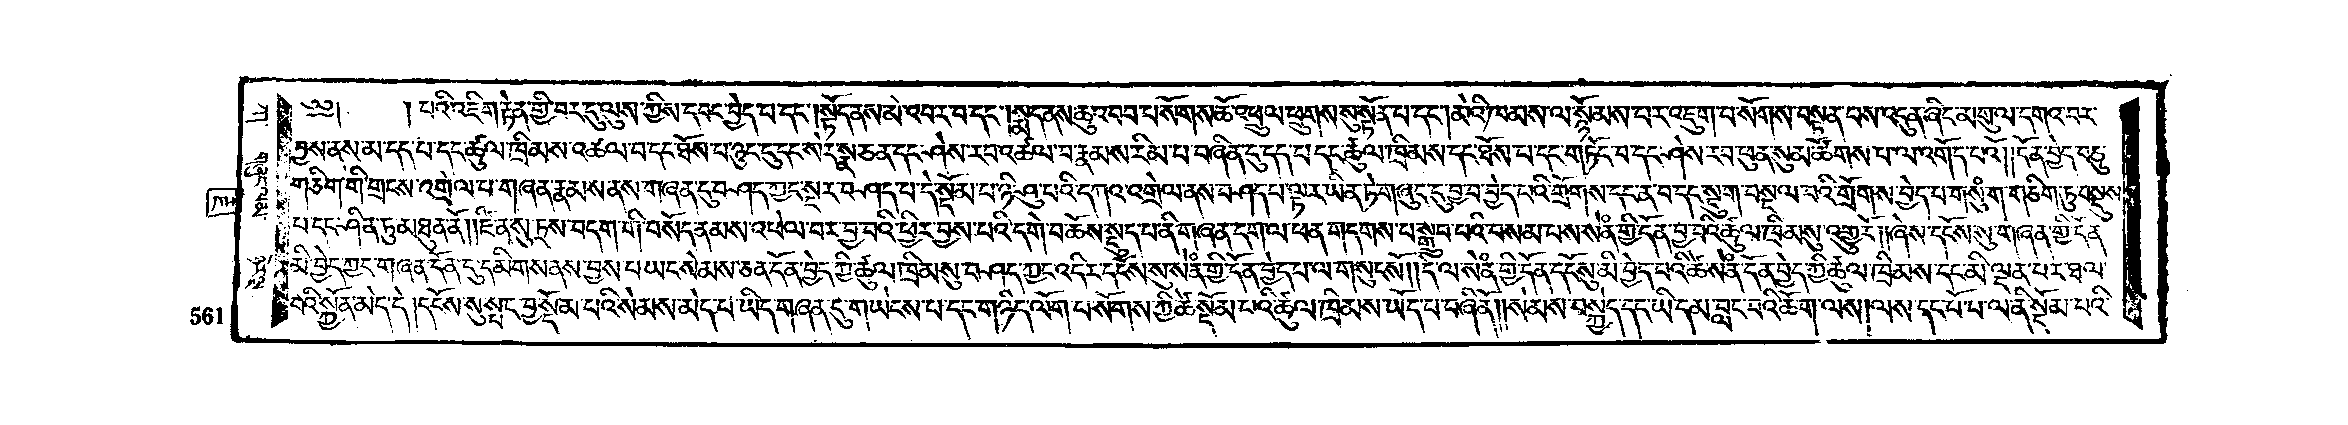༄༅། །པའི་འཇིག་རྟེན་གྱི་བར་དུ་ལུས་ཀྱིས་དབང་བྱེད་པ་དང་། སྟོད་ནས་མེ་འབར་བ་དང་། སྨད་ནས་ཆུ་འབབ་པ་སོགས་ཆོ་འཕྲུལ་ཕྲུགས་སུ་སྟོན་པ་དང་། མེའི་ཁམས་ལ་སྙོམས་པར་འཇུག་པ་སོགས་བསྟན་པས་འདུན་ཞིང་མགུ་ལ་དགའ་བར་
བྱས་ནས་མ་དད་པ་དང་ཚུལ་ཁྲིམས་འཚལ་བ་དང་ཐོས་པ་ཉུང་ངུ་དང་སེར་སྣ་ཅན་དང་ཤེས་རབ་འཚལ་བ་རྣམས་རིམ་པ་བཞིན་དུ་དད་པ་དང་ཚུལ་ཁྲིམས་དང་ཐོས་པ་དང་གཏོང་བ་དང་ཤེས་རབ་ཕུན་སུམ་ཚོགས་པ་ལ་འགོད་པའོ། །དོན་བྱེད་བཅུ་
གཅིག་གི་གྲངས་འགྲེལ་པ་གཞན་རྣམས་ནས་གཞན་དུ་བཤད་ཀྱང་སྔར་བཤད་པ་དེ་སྡོམ་པ་ཉི་ཤུ་པའི་དཀའ་འགྲེལ་ནས་བཤད་པ་ལྟར་ཡིན་ཏེ་གཞུང་དུ་བྱ་བ་བྱེད་པའི་གྲོགས་དང་ན་བ་དང་སྡུག་བསྔལ་བའི་གྲོགས་བྱེད་པ་གསུམ་ག་གཅིག་ཏུ་བསྡུས་
པ་དང་ཤིན་ཏུ་མཐུན་ནོ། །ཛི་ན་སུ་ཏྲས་བདག་གི་བསོད་ནམས་འཕེལ་བར་བྱ་བའི་ཕྱིར་བྱས་པའི་དགེ་བ་ཆོས་སྡུད་པ་ནི་གཞན་དག་ལ་ཕན་གདགས་པ་སྒྲུབ་པའི་བསམ་པས་སེམས་ཅན་གྱི་དོན་བྱ་བའི་ཚུལ་ཁྲིམས་སུ་འགྱུར་རོ། །ཞེས་དངོས་སུ་གཞན་གྱི་དོན་
མི་བྱེད་ཀྱང་གཞན་དོན་དུ་དམིགས་ནས་བྱས་པ་ཡང་སེམས་ཅན་དོན་བྱེད་ཀྱི་ཚུལ་ཁྲིམས་སུ་བཤད་ཀྱང་འདིར་དངོས་སུ་སེམས་ཅན་གྱི་དོན་བྱེད་པ་ལ་གསུངས་སོ། །དེ་ལ་སེམས་ཅན་གྱི་དོན་དངོས་སུ་མི་བྱེད་པའི་ཚེ་སེམས་ཅན་དོན་བྱེད་ཀྱི་ཚུལ་ཁྲིམས་དང་མི་ལྡན་པར་ཐལ་
བའི་སྐྱོན་མེད་དེ། དངོས་སུ་སྤང་བྱ་སྡོམ་པའི་སེམས་མེད་པ་ཡིད་གཞན་དུ་གཡེངས་པ་དང་གཉིད་ལོག་པ་སོགས་ཀྱི་ཚེ་སྡོམ་པའི་ཚུལ་ཁྲིམས་ཡོད་པ་བཞིན་ནོ། །སེམས་བསྐྱེད་དང་ཡི་དམ་བླང་བའི་ཆོ་ག་ལས། ལས་དང་པོ་པ་ལ་ནི་སྡོམ་པའི་